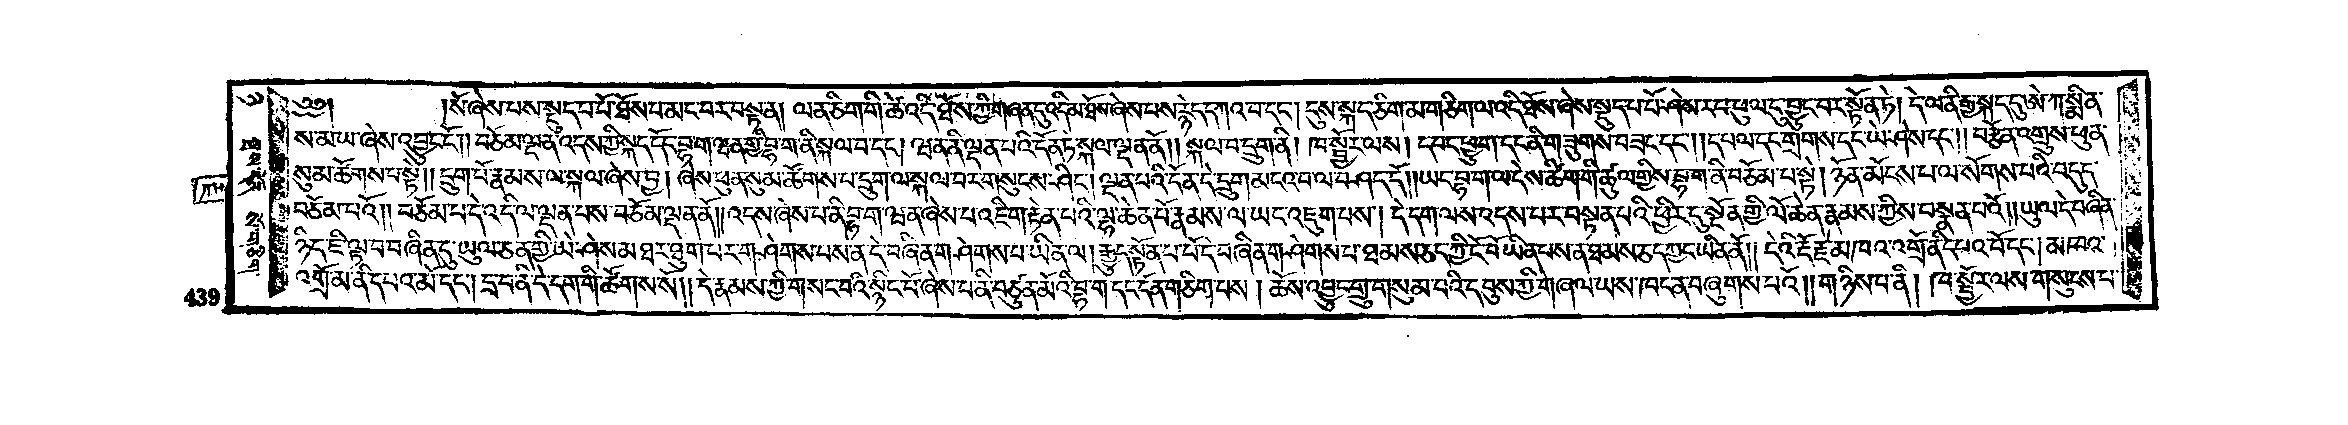༄༅། །སོ་ཞེས་པས་སྡུད་པ་པོ་ཐོས་པ་མང་བར་བསྟན། ལན་ཅིག་གི་ཚེ་འདི་ཐོས་ཀྱི་གཞན་དུ་འདི་མ་ཐོས་ཞེས་པས་རྙེད་དཀའ་བ་དང་། དུས་སྐད་ཅིག་མ་གཅིག་ལ་འདི་ཐོས་ཞེས་སྡུད་པ་པོ་ཤེས་རབ་ཕུལ་དུ་བྱུང་བར་སྟོན་ཏེ། དེ་ལ་ནི་རྒྱ་སྐད་དུ་ཨེ་ཀ་སྨིན་
ས་མ་ཡ་ཞེས་འབྱུང་ངོ། །བཅོམ་ལྡན་འདས་ཀྱི་སྐད་དོང་བྷ་ག་ཝན་གྱི་བྷ་ག་ནི་སྐལ་བ་དང་། ཝན་ནི་ལྡན་པའི་དོན་ཏེ་སྐལ་ལྡན་ནོ། །སྐལ་བ་དྲུག་ནི། ཁ་སྦྱོར་ལས། དབང་ཕྱུག་དང་ནི་གཟུགས་བཟང་དང་། །དཔལ་དང་གྲགས་དང་ཡེ་ཤེས་དང་། །བརྩོན་འགྲུས་ཕུན་
སུམ་ཚོགས་པ་སྟེ། །དྲུག་པོ་རྣམས་ལ་སྐལ་ཞེས་བྱ། ཞེས་ཕུན་སུམ་ཚོགས་པ་དྲུག་ལ་སྐལ་བར་གསུངས་ཤིང་། ལྡན་པའི་དོན་དེ་དྲུག་མངའ་བ་ལ་བཤད་དོ། །ཡང་བྷ་ག་ལ་ངེས་ཚིག་གི་ཚུལ་གྱིས་བྷ་ག་ནི་བཅོམ་པ་སྟེ། ཉོན་མོངས་པ་ལ་སོགས་པའི་བདུད་
བཅོམ་པའོ། །བཅོམ་པ་དེ་འདི་ལ་ལྡན་པས་བཅོམ་ལྡན་ནོ། །འདས་ཞེས་པ་ནི་བྷ་ག་ཝན་ཞེས་པ་འཇིག་རྟེན་པའི་ལྷ་ཆེན་པོ་རྣམས་ལ་ཡང་འཇུག་པས། དེ་དག་ལས་འདས་པར་བསྟན་པའི་ཕྱིར་དུ་སྔོན་གྱི་ལོ་ཆེན་རྣམས་ཀྱིས་བསྣན་པའོ། །ཡུལ་དེ་བཞིན་
ཉིད་ཇི་ལྟ་བ་བཞིན་དུ་ཡུལ་ཅན་གྱི་ཡེ་ཤེས་མཐར་ཐུག་པར་གཤེགས་པས་ན་དེ་བཞིན་གཤེགས་པ་ཡིན་ལ། རྒྱུད་སྟོན་པ་པོ་དེ་བཞིན་གཤེགས་པ་ཐམས་ཅད་ཀྱི་ངོ་བོ་ཡིན་པས་ན་ཐམས་ཅད་ཀྱང་ཡིན་ནོ། །དེའི་རྡོ་རྗེ་མཁའ་འགྲོ་ནི་དཔའ་བོ་དང་། མཁའ་
འགྲོ་མ་ནི་དཔའ་མོ་དང་། དྲ་བ་ནི་དེ་དག་གི་ཚོགས་སོ། །དེ་རྣམས་ཀྱི་གསང་བའི་སྙིང་པོ་ཞེས་པ་ནི་བཙུན་མོའི་བྷ་ག་དང་དོན་གཅིག་པས། ཆོས་འབྱུང་གྲུ་གསུམ་པའི་དབུས་ཀྱི་གཞལ་ཡས་ཁང་ན་བཞུགས་པའོ། །གཉིས་པ་ནི། ཁ་སྦྱོར་ལས་གསུངས་པ་